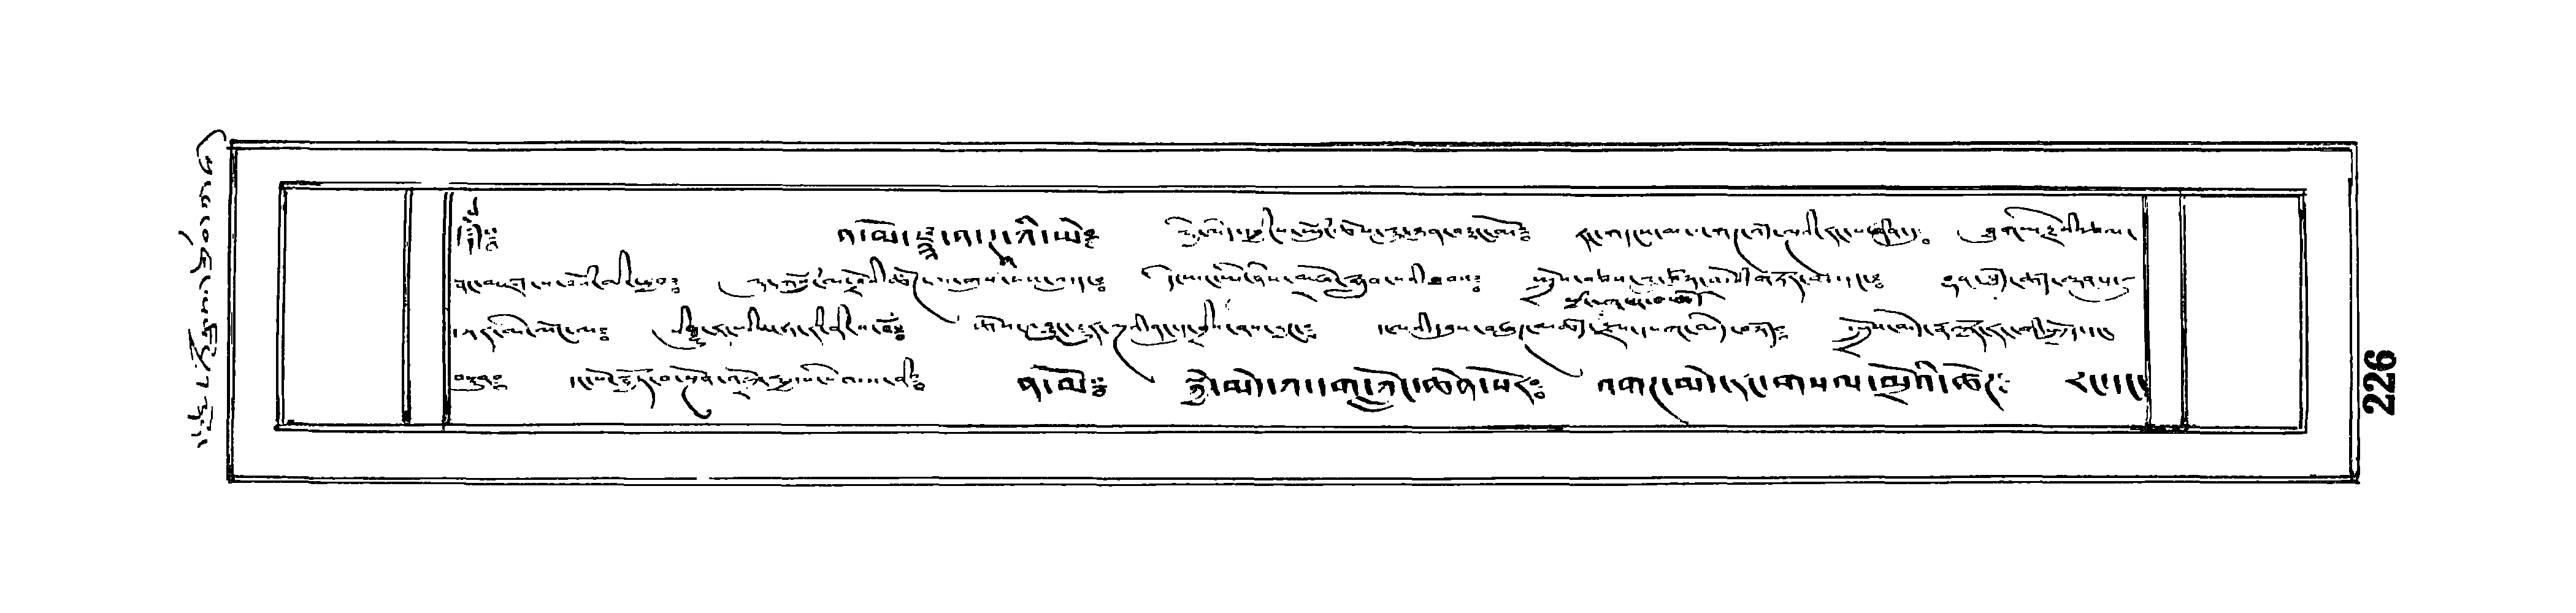ན་མོ་ཛྙཱ་ན་ཌཱ་ཀི་ཡེ༔ སྐྱེ་མེད་དབྱིངས་ཡུམ་ཆོས་སྐུ་ཀུན་བཟང་མོ༔ རང་གདངས་མ་འགགས་འོད་ལྔའི་རང་བཞིན་དུ༔ ཐུགས་རྗེའི་རྩལ་
སྣང་མཛད་པ་བསམ་མི་ཁྱབ༔ སྐུ་གསུམ་མཁའ་འགྲོའི་ཚོགས་ལ་གུས་པས་འདུད༔ དེ་ཡང་ཡེ་ཤེས་མཁའ་འགྲོ་སྒྲུབ་པའི་ཐབས༔ སྤྲོས་བཅས་སྐུ་ཙཀ་མཁའ་འགྲོའི་གཏོར་མ་དང༔ བྷན་ཐོད་ཚད་ལྡན་དངུལ་
དཀར་མེ་ལོང་ལ༔ སིནྡྷུ་ར་ཡིས་ཧ་རི་ནི་ས་བྃ༔ ཆོས་འབྱུང་ཟུར་ལྔའི་ནང་དུ་བྲིས་ནས་ཀྱང༔ ད་ལའི་དབུས་བཞུགས་མཆོད་རྫས་དཔག་མེད་བཀོད༔ སྤྲོས་མེད་རྣལ་འབྱོར་རང་གི་སྤྱོད་དང་
བསྟུན༔ དང་པོ་སྦྱོར་བ་སྔོན་འགྲོན་སྐྱབས་སེམས་ནི༔ ན་མོ༔ སྐྱེ་མེད་ཀ་དག་ཀློང་ཆེན་པོར༔ འགགས་མེད་རང་གསལ་མཁའ་འགྲོའི་ཚོགས༔ རང་དང་